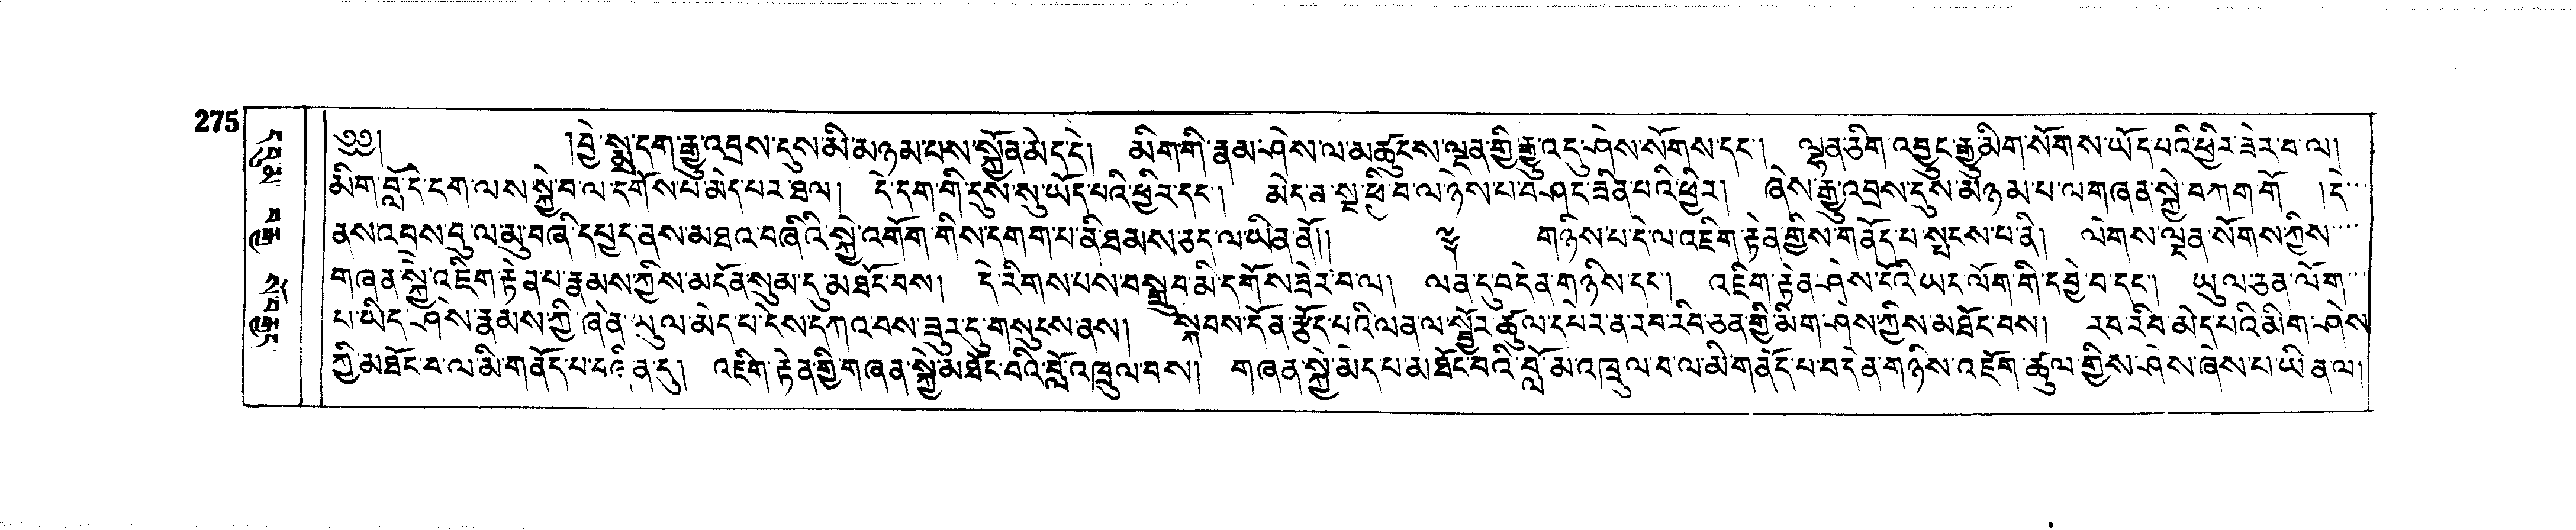༄༅། །བྱེ་སྨྲ་དག་རྒྱུ་འབྲས་དུས་མི་མཉམ་པས་སྐྱོན་མེད་དེ། མིག་གི་རྣམ་ཤེས་ལ་མཚུངས་ལྡན་གྱི་རྒྱུ་འདུ་ཤེས་སོགས་དང་། ལྷན་ཅིག་འབྱུང་རྒྱུ་མིག་སོགས་ཡོད་པའི་ཕྱིར་ཟེར་བ་ལ།
མིག་བློ་དེ་དག་ལས་སྐྱེ་བ་ལ་དགོས་པ་མེད་པར་ཐལ། དེ་དག་གི་དུས་སུ་ཡོད་པའི་ཕྱིར་དང་། མེད་ན་སྔ་ཕྱི་བ་ལ་ཉེས་པ་བཤད་ཟིན་པའི་ཕྱིར། ཞེས་རྒྱུ་འབྲས་དུས་མཉམ་པ་ལ་གཞན་སྐྱེ་བཀག་གོ །དེ་
ནས་འབྲས་བུ་ལ་མུ་བཞི་དཔྱད་ནས་མཐའ་བཞིའི་སྐྱེ་འགོག་གིས་དགག་པ་ནི་ཐམས་ཅད་ལ་ཡིན་ནོ།། ༈ གཉིས་པ་དེ་ལ་འཇིག་རྟེན་གྱིས་གནོད་པ་སྤངས་པ་ནི། ལེགས་ལྡན་སོགས་ཀྱིས་
གཞན་སྐྱེ་འཇིག་རྟེན་པ་རྣམས་ཀྱིས་མངོན་སུམ་དུ་མཐོང་བས། དེ་རིགས་པས་བསྒྲུབ་མི་དགོས་ཟེར་བ་ལ། ལན་དུ་བདེན་གཉིས་དང་། འཇིག་རྟེན་ཤེས་ངོའི་ཡང་ལོག་གི་དབྱེ་བ་དང་། ཡུལ་ཅན་ལོག་
པ་ཡིད་ཤེས་རྣམས་ཀྱི་ཞེན་ཡུལ་མེད་པ་ངེས་དཀའ་བས་ཟུར་དུ་གསུངས་ནས། སྐབས་དོན་རྩོད་པའི་ལན་ལ་སྦྱོར་ཚུལ་དཔེར་ན་རབ་རིབ་ཅན་གྱི་མིག་ཤེས་ཀྱིས་མཐོང་བས། རབ་རིབ་མེད་པའི་མིག་ཤེས་
ཀྱི་མཐོང་བ་ལ་མི་གནོད་པ་བཞིན་དུ། འཇིག་རྟེན་གྱི་གཞན་སྐྱེ་མཐོང་བའི་བློ་འཁྲུལ་བས། གཞན་སྐྱེ་མེད་པ་མཐོང་བའི་བློ་མ་འཁྲུལ་བ་ལ་མི་གནོད་པ་བདེན་གཉིས་འཇོག་ཚུལ་གྱིས་ཤེས་ཞེས་པ་ཡིན་ལ།